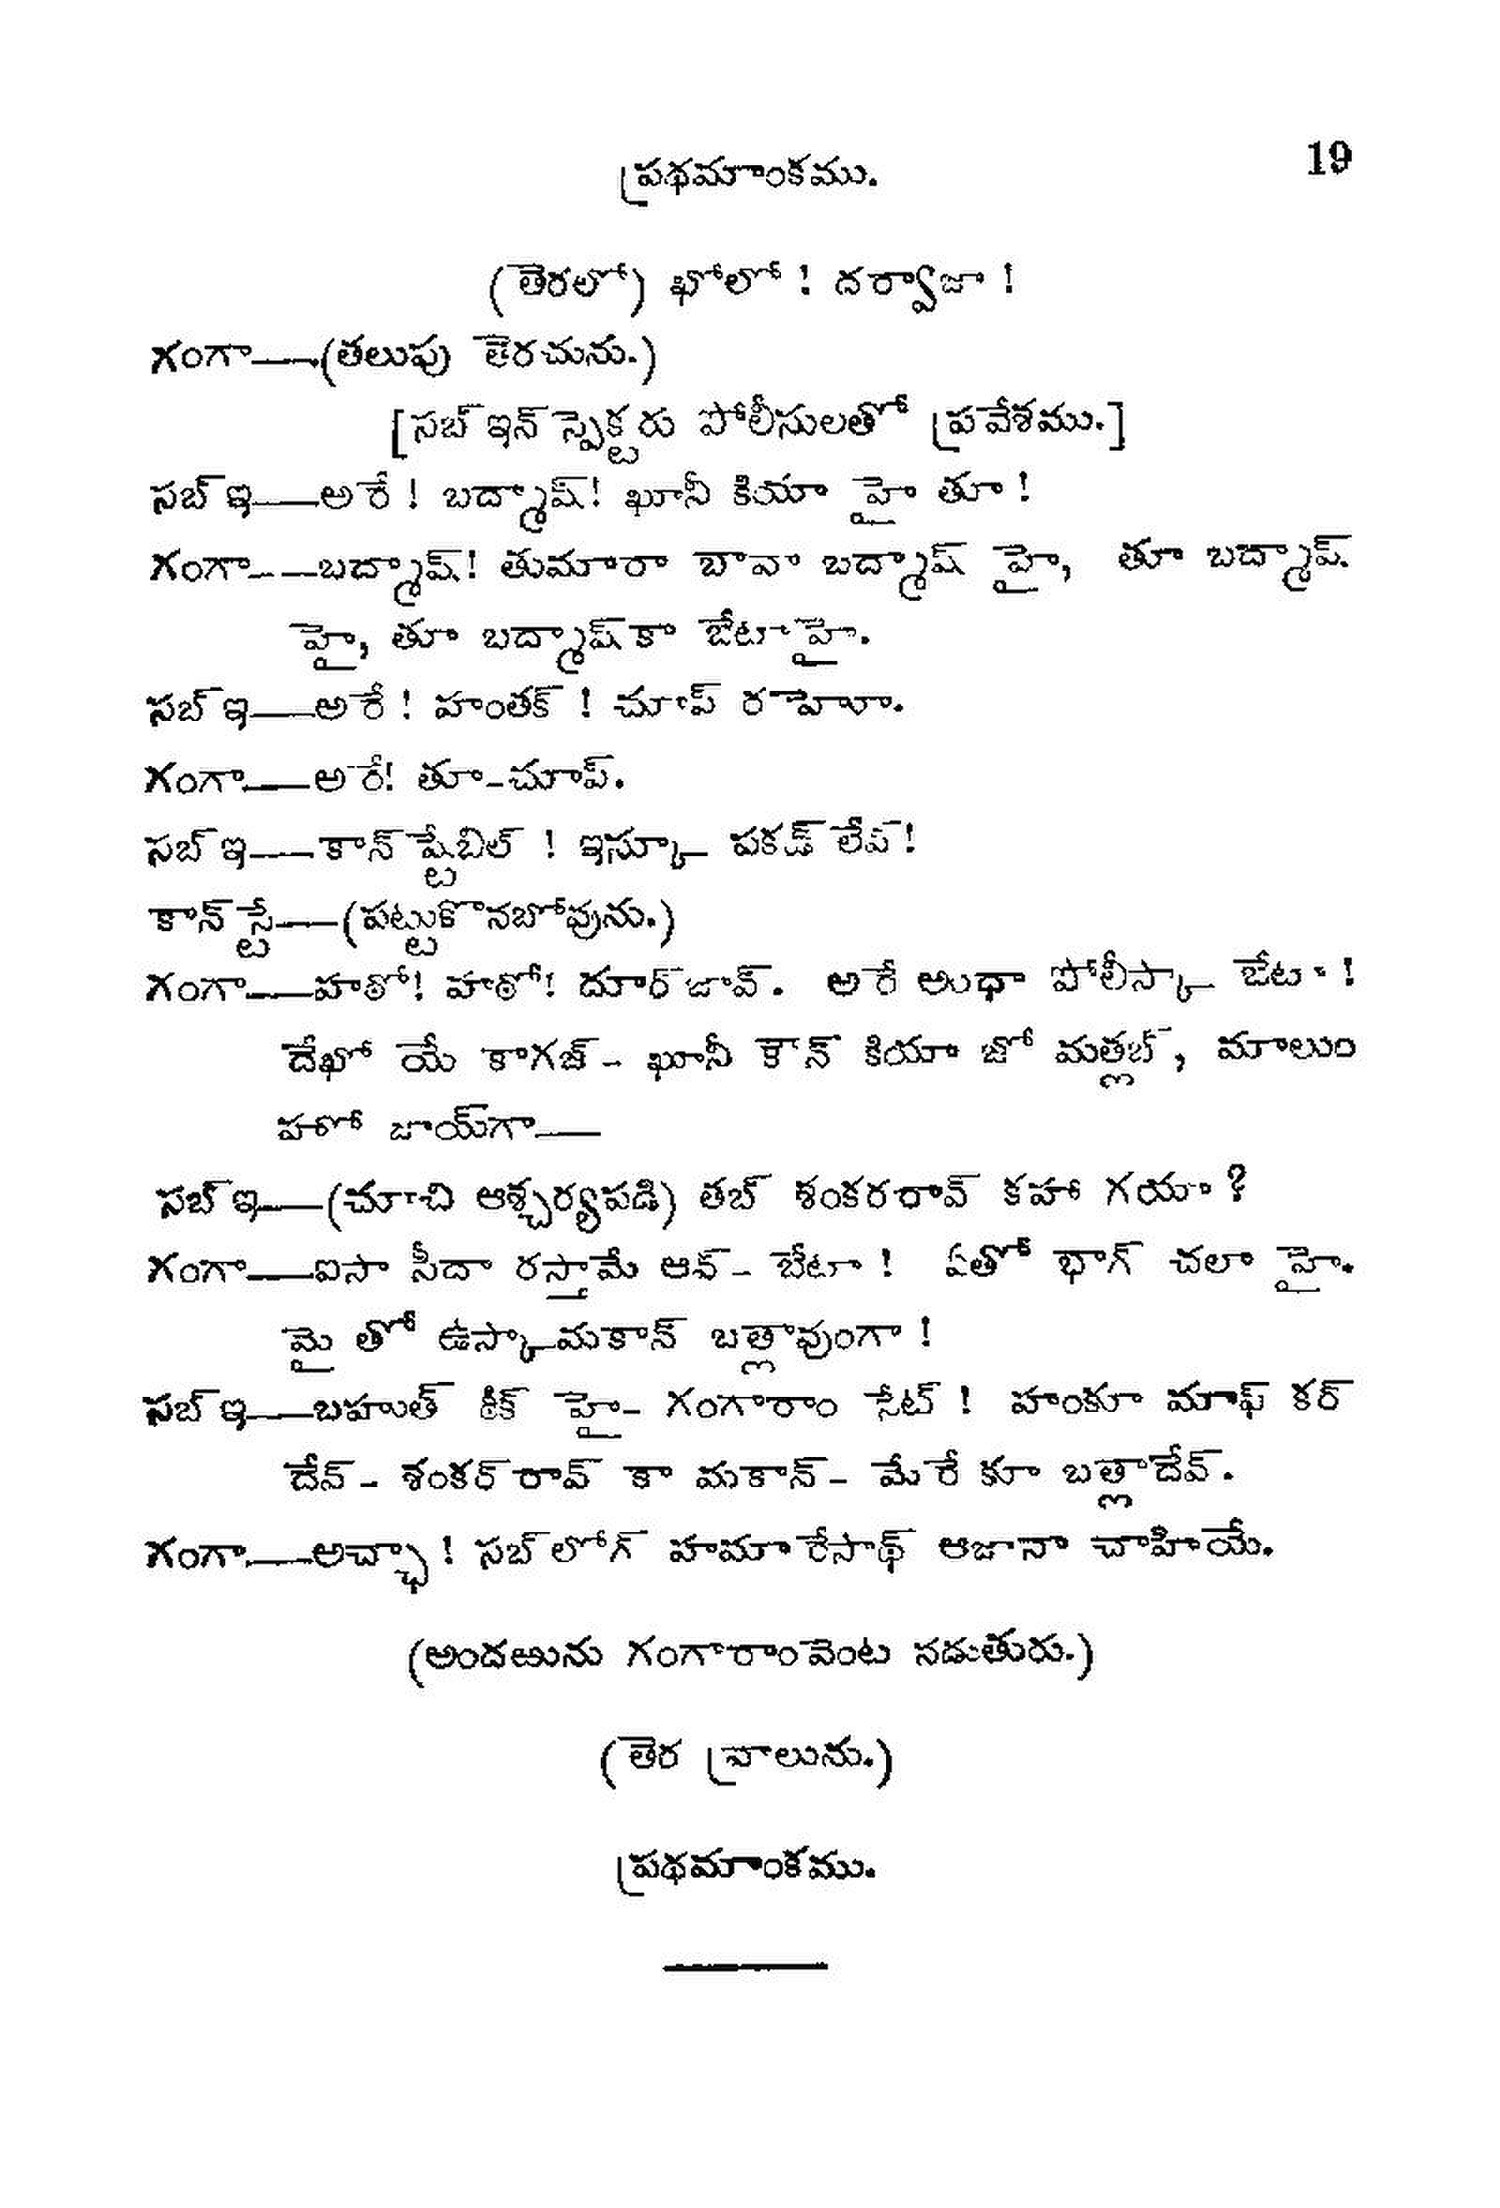గంగా -- (తలుపు తెరచును.)

సబ్ ఇ - అరే ! బద్మాష్ ! ఖూనీ కియా హైతూ !

గంగా -- బద్మాష్ ! తుమారా బావా బద్మాష్ హై, తూ బద్మాష్ , హై, తూ బద్మాష్ కా బేటాహై.

సబ్ ఇ — అరే ! హంతక్ ! చూప్ రహో.

గంగా - అరే! తూ - చూప్.

సబ్ ఇ - కాన్ ష్టేబిల్ ! ఇస్కూ పకడ్ లేవ్ !

కాన్ స్టే -- (పట్టుకొనబోవును.)

గంగా - హఠో! హఠో! దూర్ జూవ్. అరే అంధా పోలీస్కా బేటా ! దేఖో యే కాగజ్ - ఖూనీ కౌన్ కియా జో మత్లబ్ , మాలుం హో జయ్‌గా-

సబ్ ఇ - (చూచి ఆశ్చర్యపడి) తబ్ శంకరరావ్ కహా గయా ?

గంగా - ఐసా సీదా రస్తామే ఆప్ - బేటా ! ఏతో భాగ్ చలా హై. మై తో ఉస్కామకాన్ బత్లావుంగా !

సబ్ ఇ - బహుత్ ఠీక్ హై - గంగారాం సేట్ ! హంకూ మాఫ్ కర్ దేవ్ - శంకర్‌రావ్ కా మకాన్ - మేరే కూ బత్లాదేవ్ .

గంగా - అచ్ఛా ! సబ్ లోగ్ హమారేసాథ్ ఆజానా చాహియే.

___________